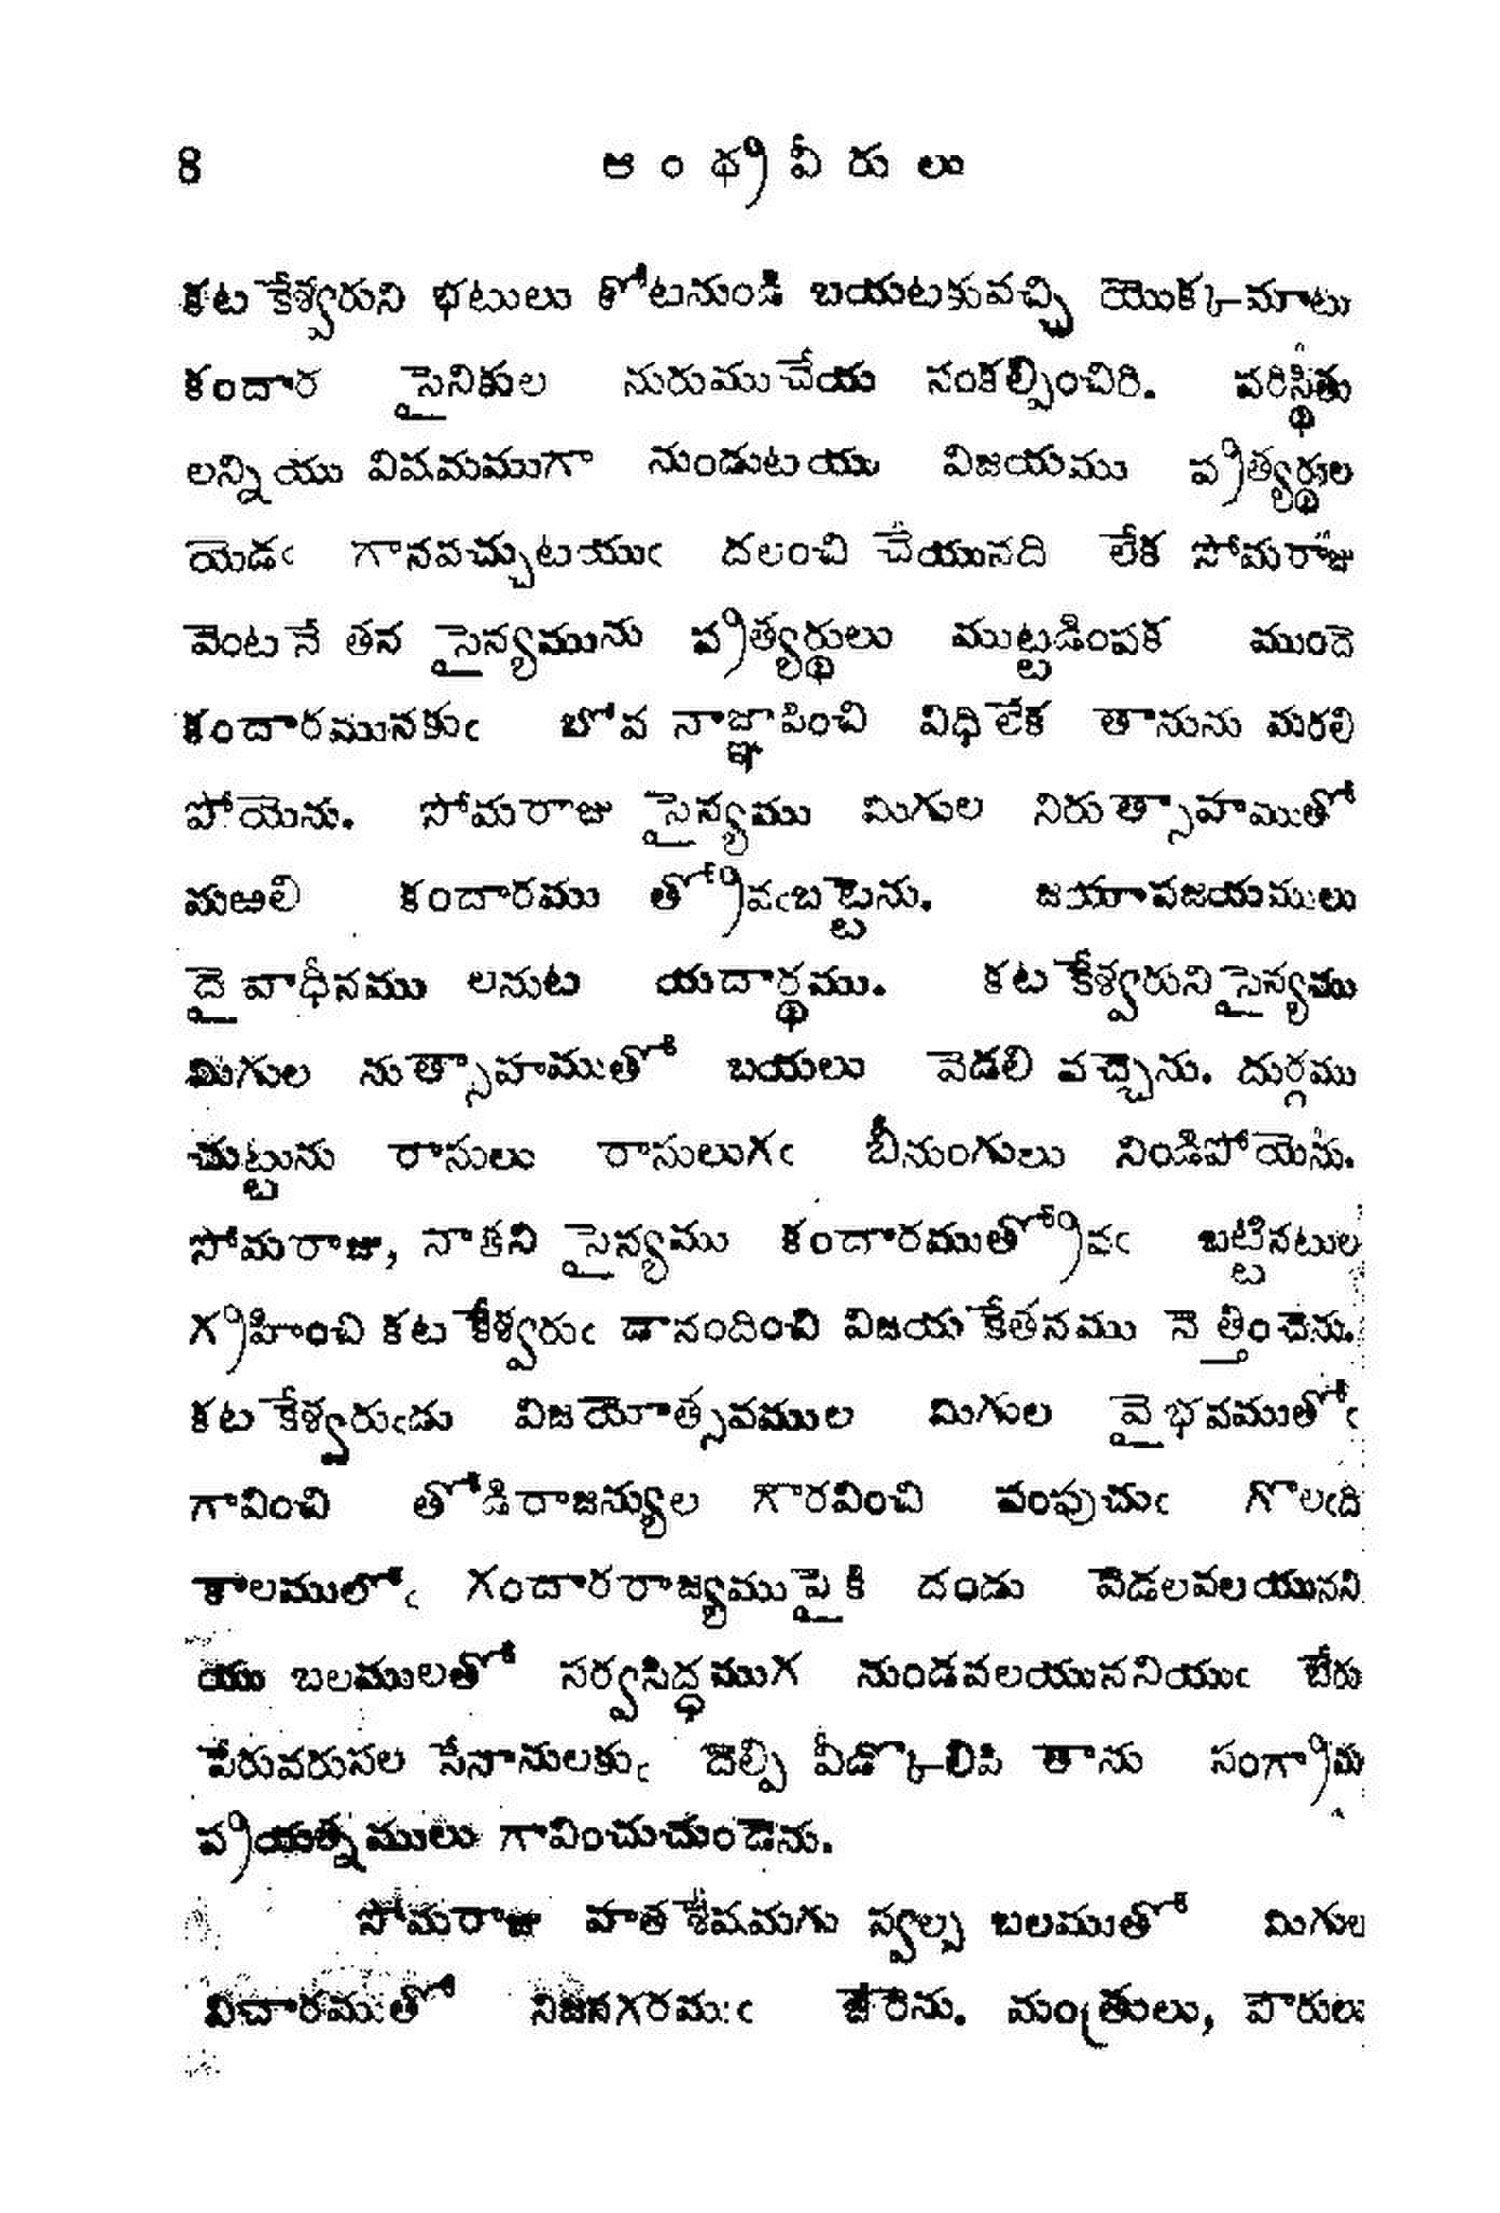కటకేశ్వరుని భటులు కోటనుండి బయటకు వచ్చి యొక్క మాటు 
కందార సైనికుల నురుముచేయ సంకల్పించిరి. పరిస్థితులన్నియు విషయముగా నుండుటయు విజయము వ్యతర్దుల యెడ గానవచ్చుటయు దలంచి చేయునది లేక సోమరాజు వెంటనే తన సైన్యమును వ్రుత్యర్దులు ముట్టడింపక ముందే కందారమునకు బోవ నాగ్న్యాపించి విధిలేక తానును మరలి పోయెను. సోమరాజు సైన్యము మిగుల నిరుత్సాహముతో
మరలి కందారము త్రోవబట్టెను. జయాపజయములు దైవాధీనములనుట యధార్ధము. కటకేశ్వరుని సైన్యము మిగుల నుత్సాహముతో బయలు వెడలి వచ్చెను. దుర్గము చుట్టును రాసులు రాసులుగ బీనుంగులు నిండిఫోయెను. 
సోమరాజు, నాతని సైన్యము కందార త్రోవ బట్టినటుల గ్రహించి కటకేశ్వరు డానందించి విజయకేతనము నెత్తించెను.
కటకేశ్వరుడు విజయోత్సముల మిగుల వైభవముతో గావించి తోడిరాజన్యుల గౌరవించి పంపుచు గొలది కాలములో గందార రాజ్యముపైకి దండివెడలవలయుననియు బలములతో సర్వసిద్ధముగ నుండవలయుననియు బేరు పేరు వరుసల సేనాలకు దెల్పి వీడ్కొలిపి తాను సంగ్రామ ప్రయత్నములుగావించు చుండెను.
సోమరాజు హతశేషమగు స్వల్ప బలముతో మిగుల విచారముతో నగరము జేరెను. మంత్రులు, పౌరులు,